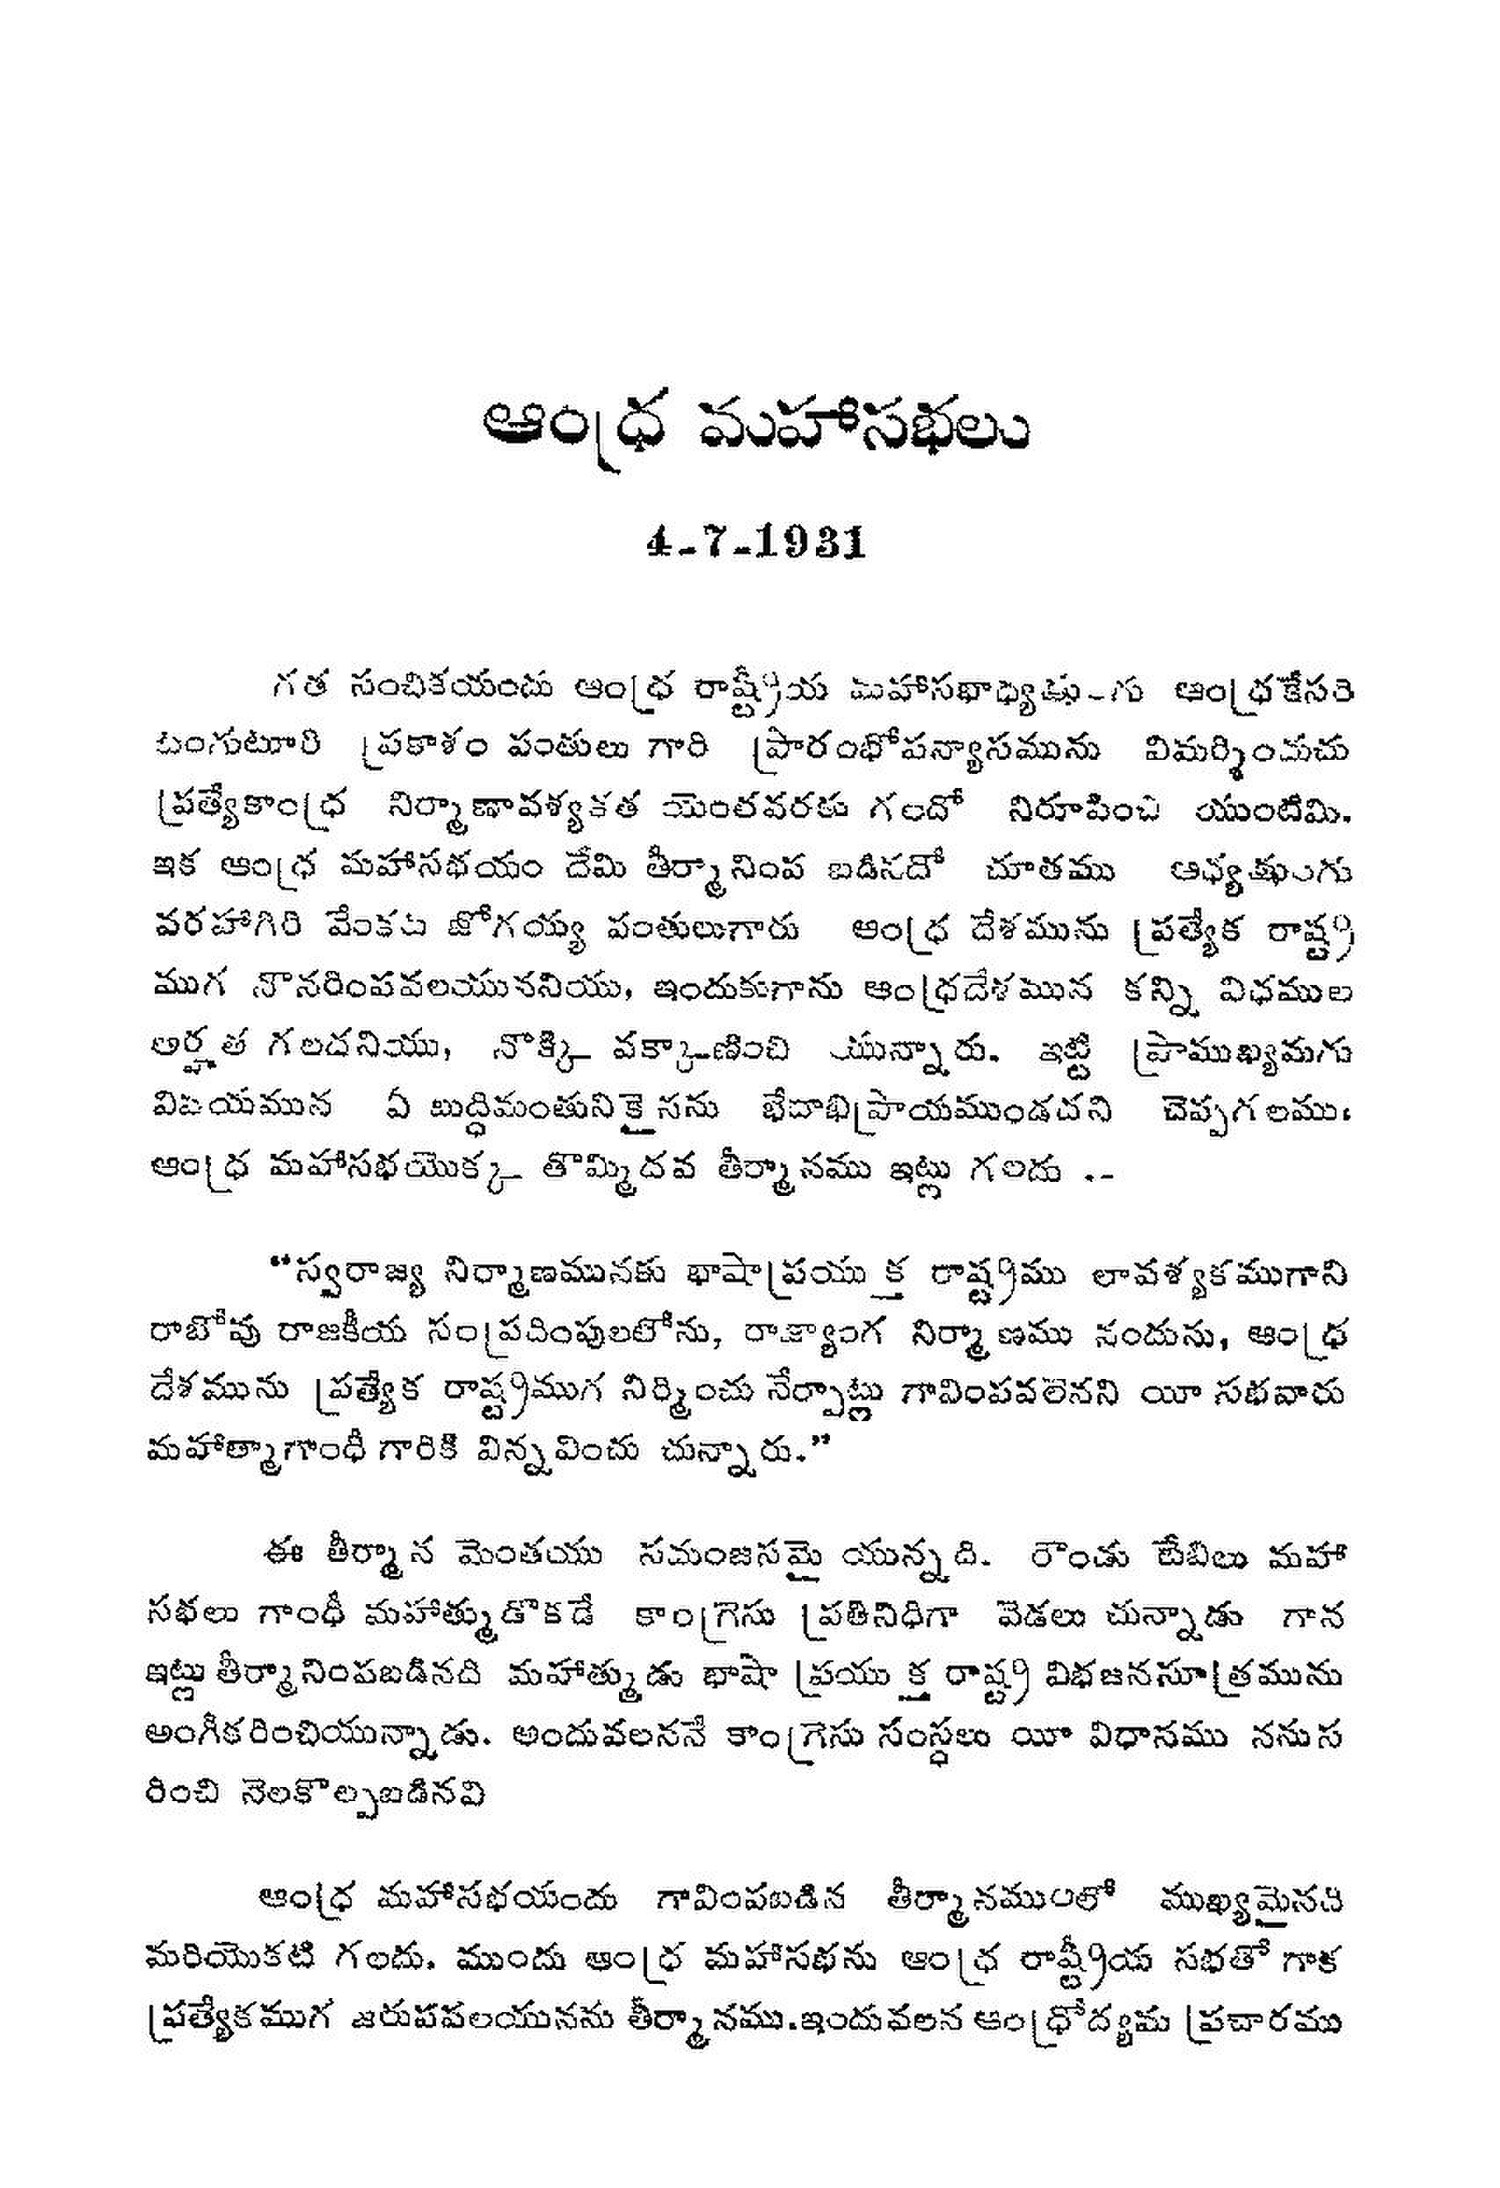ఆంధ్ర మహాసభలు

4-7-1931

గత సంచికయందు ఆంధ్ర రాష్ట్రీయ మహాసభాధ్యక్షులగు ఆంధ్రకేసరి టంగుటూరి ప్రకాశం పంతులు గారి ప్రారంభోపన్యాసమును విమర్శించుచు ప్రత్యేకాంధ్ర నిర్మాణావశ్యకత యెంతవరకు గలదో నిరూపించి యుంటిమి. ఇక ఆంధ్ర మహాసభయం దేమి తీర్మానింప బడినదో చూతము అధ్యక్షులగు వరహాగిరి వేంకట జోగయ్య పంతులుగారు ఆంధ్ర దేశమును ప్రత్యేక రాష్ట్రముగ నొనరింపవలయుననియు, ఇందుకుగాను ఆంధ్రదేశమున కన్ని విధముల అర్హత గలదనియు, నొక్కి వక్కాణించి యున్నారు. ఇట్టి ప్రాముఖ్యమగు విషయమున ఏ బుద్ధిమంతునికైనను భేదాభిప్రాయముండదని చెప్పగలము. ఆంధ్ర మహాసభ యొక్క తొమ్మిదవ తీర్మానము ఇట్లు గలదు ..

"స్వరాజ్య నిర్మాణమునకు భాషాప్రయుక్త రాష్ట్రము లావశ్యకముగాని రాబోవు రాజకీయ సంప్రదింపులలోను, రాజ్యాంగ నిర్మాణము నందును, ఆంధ్ర దేశమును ప్రత్యేక రాష్ట్రముగ నిర్మించు నేర్పాట్లు గావింపవలెనని యీ సభవారు
మహాత్మాగాంధీ గారికి విన్నవించు చున్నారు.”

ఈ తీర్మాన మెంతయు సమంజసమై యున్నది. రౌండు టేబిలు మహాసభలు గాంధీ మహాత్ముడొకడే కాంగ్రెసు ప్రతినిధిగా వెడలు చున్నాడు గాన ఇట్లు తీర్మానింపబడినది మహాత్ముడు భాషా ప్రయుక్త రాష్ట్ర విభజనసూత్రమును
అంగీకరించియున్నాడు. అందువలననే కాంగ్రెసు సంస్థలు యీ విధానము ననుసరించి నెలకొల్పబడినవి

ఆంధ్ర మహాసభయందు గావింపబడిన తీర్మానములలో ముఖ్యమైనది మరియొకటి గలదు. ముందు ఆంధ్ర మహాసభను ఆంధ్ర రాష్ట్రీయ సభతో గాక ప్రత్యేకముగ జరుపవలయునను తీర్మానము.ఇందువలన ఆంధ్రోద్యమ ప్రచారము